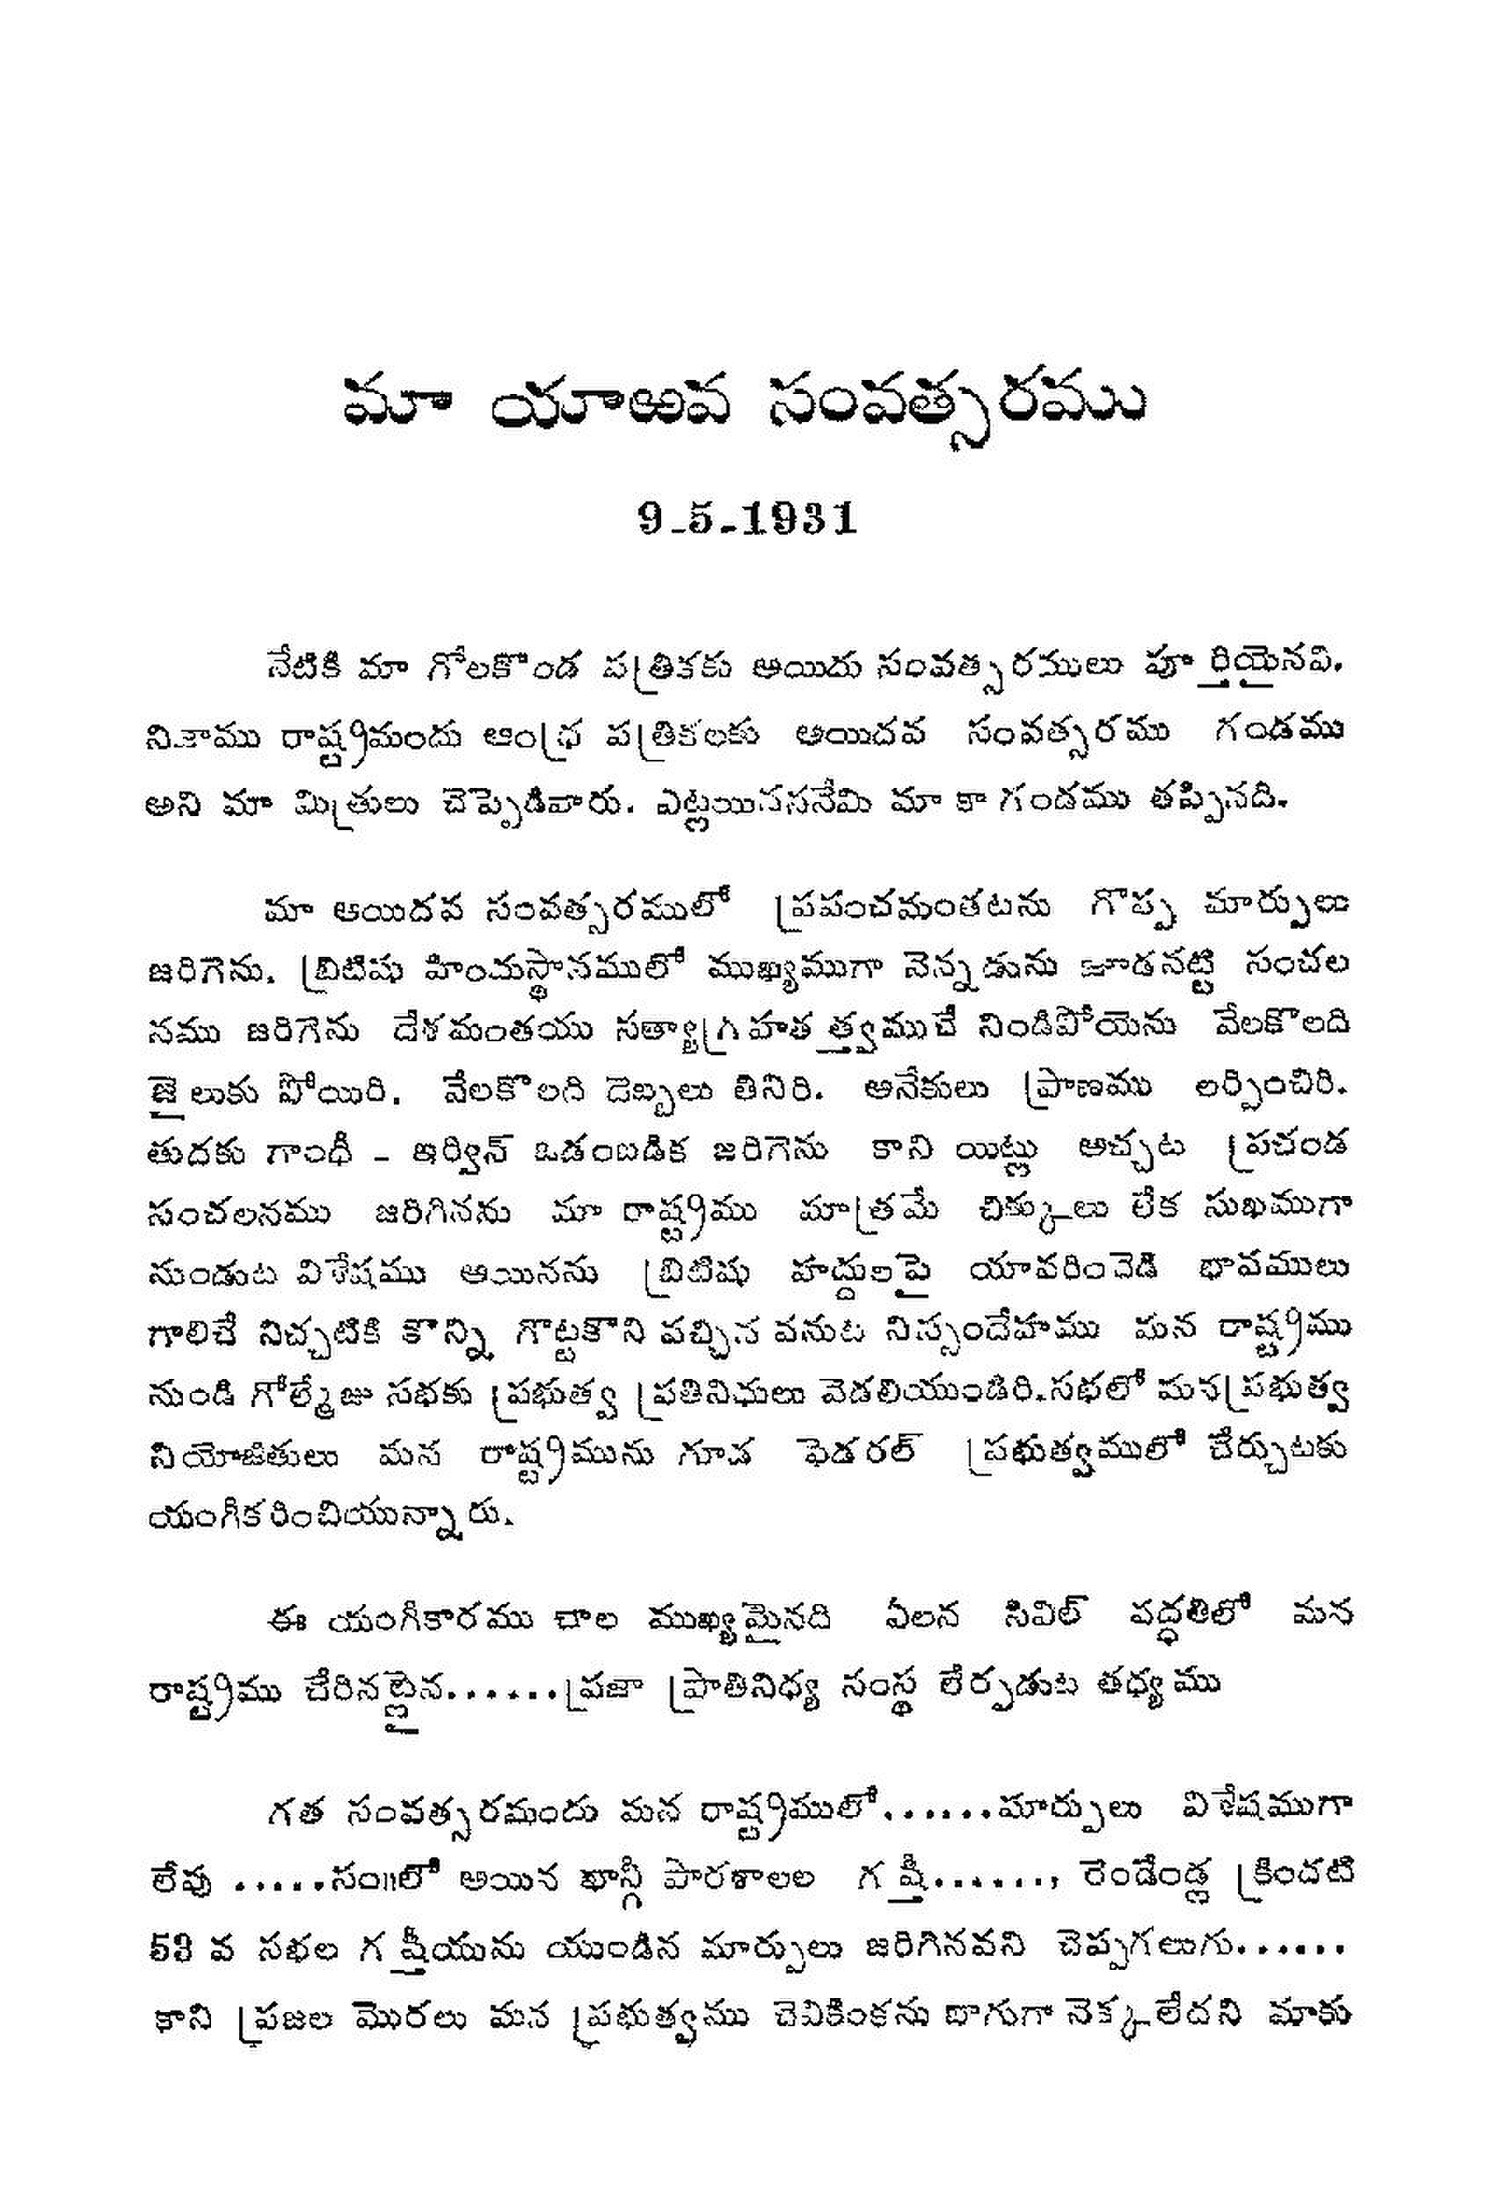మా యాఱవ సంవత్సరము

9 - 5 - 1931

నేటికి మా గోలకొండ పత్రికకు అయిదు సంవత్సరములు పూర్తియైనవి. నిజాము రాష్ట్రమందు ఆంధ్ర పత్రికలకు అయిదవ సంవత్సరము గండము అని మా మిత్రులు చెప్పెడివారు. ఎట్లయినననేమి మా కా గండము తప్పినది.

మా అయిదవ సంవత్సరములో ప్రపంచమంతటను గొప్ప మార్పులు జరిగెను. బ్రిటిషు హిందుస్థానములో ముఖ్యముగా నెన్నడును జూడనట్టి సంచలనము జరిగెను దేశమంతయు సత్యాగ్రహతత్వముచే నిండిపోయెను వేలకొలది జైలుకు పోయిరి. వేలకొలది దెబ్బలు తినిరి. అనేకులు ప్రాణము లర్పించిరి. తుదకు గాంధీ - ఇర్విన్ ఒడంబడిక జరిగెను కాని యిట్లు అచ్చట ప్రచండ సంచలనము జరిగినను మా రాష్ట్రము మాత్రమే చిక్కులు లేక సుఖముగా నుండుట విశేషము అయినను బ్రిటిషు హద్దులపై యావరించెడి భావములు గాలిచే నిచ్చటికి కొన్ని గొట్టకొని వచ్చిన వనుట నిస్సందేహము మన రాష్ట్రము నుండి గోల్మేజు సభకు ప్రభుత్వ ప్రతినిధులు వెడలియుండిరి. సభలో మన ప్రభుత్వ నియోజితులు మన రాష్ట్రమును గూడ ఫెడరల్ ప్రభుత్వములో చేర్చుటకు యంగీకరించియున్నారు.

ఈ యంగీకారము చాల ముఖ్యమైనది ఏలన సివిల్ పద్ధతిలో మన రాష్ట్రము చేరినట్లైన......ప్రజా ప్రాతినిధ్య సంస్థ లేర్పడుట తధ్యము

గత సంవత్సరమందు మన రాష్ట్రములో...... మార్పులు విశేషముగా లేవు ..... సం॥లో అయిన ఖాన్గీ పాఠశాలల గష్తీ.......... రెండేండ్ల క్రిందటి 53 వ సభల గష్తీయును యుండిన మార్పులు జరిగినవని చెప్పగలుగు...... కాని ప్రజల మొరలు మన ప్రభుత్వము చెవికింకను బాగుగా నెక్కలేదని మాకు